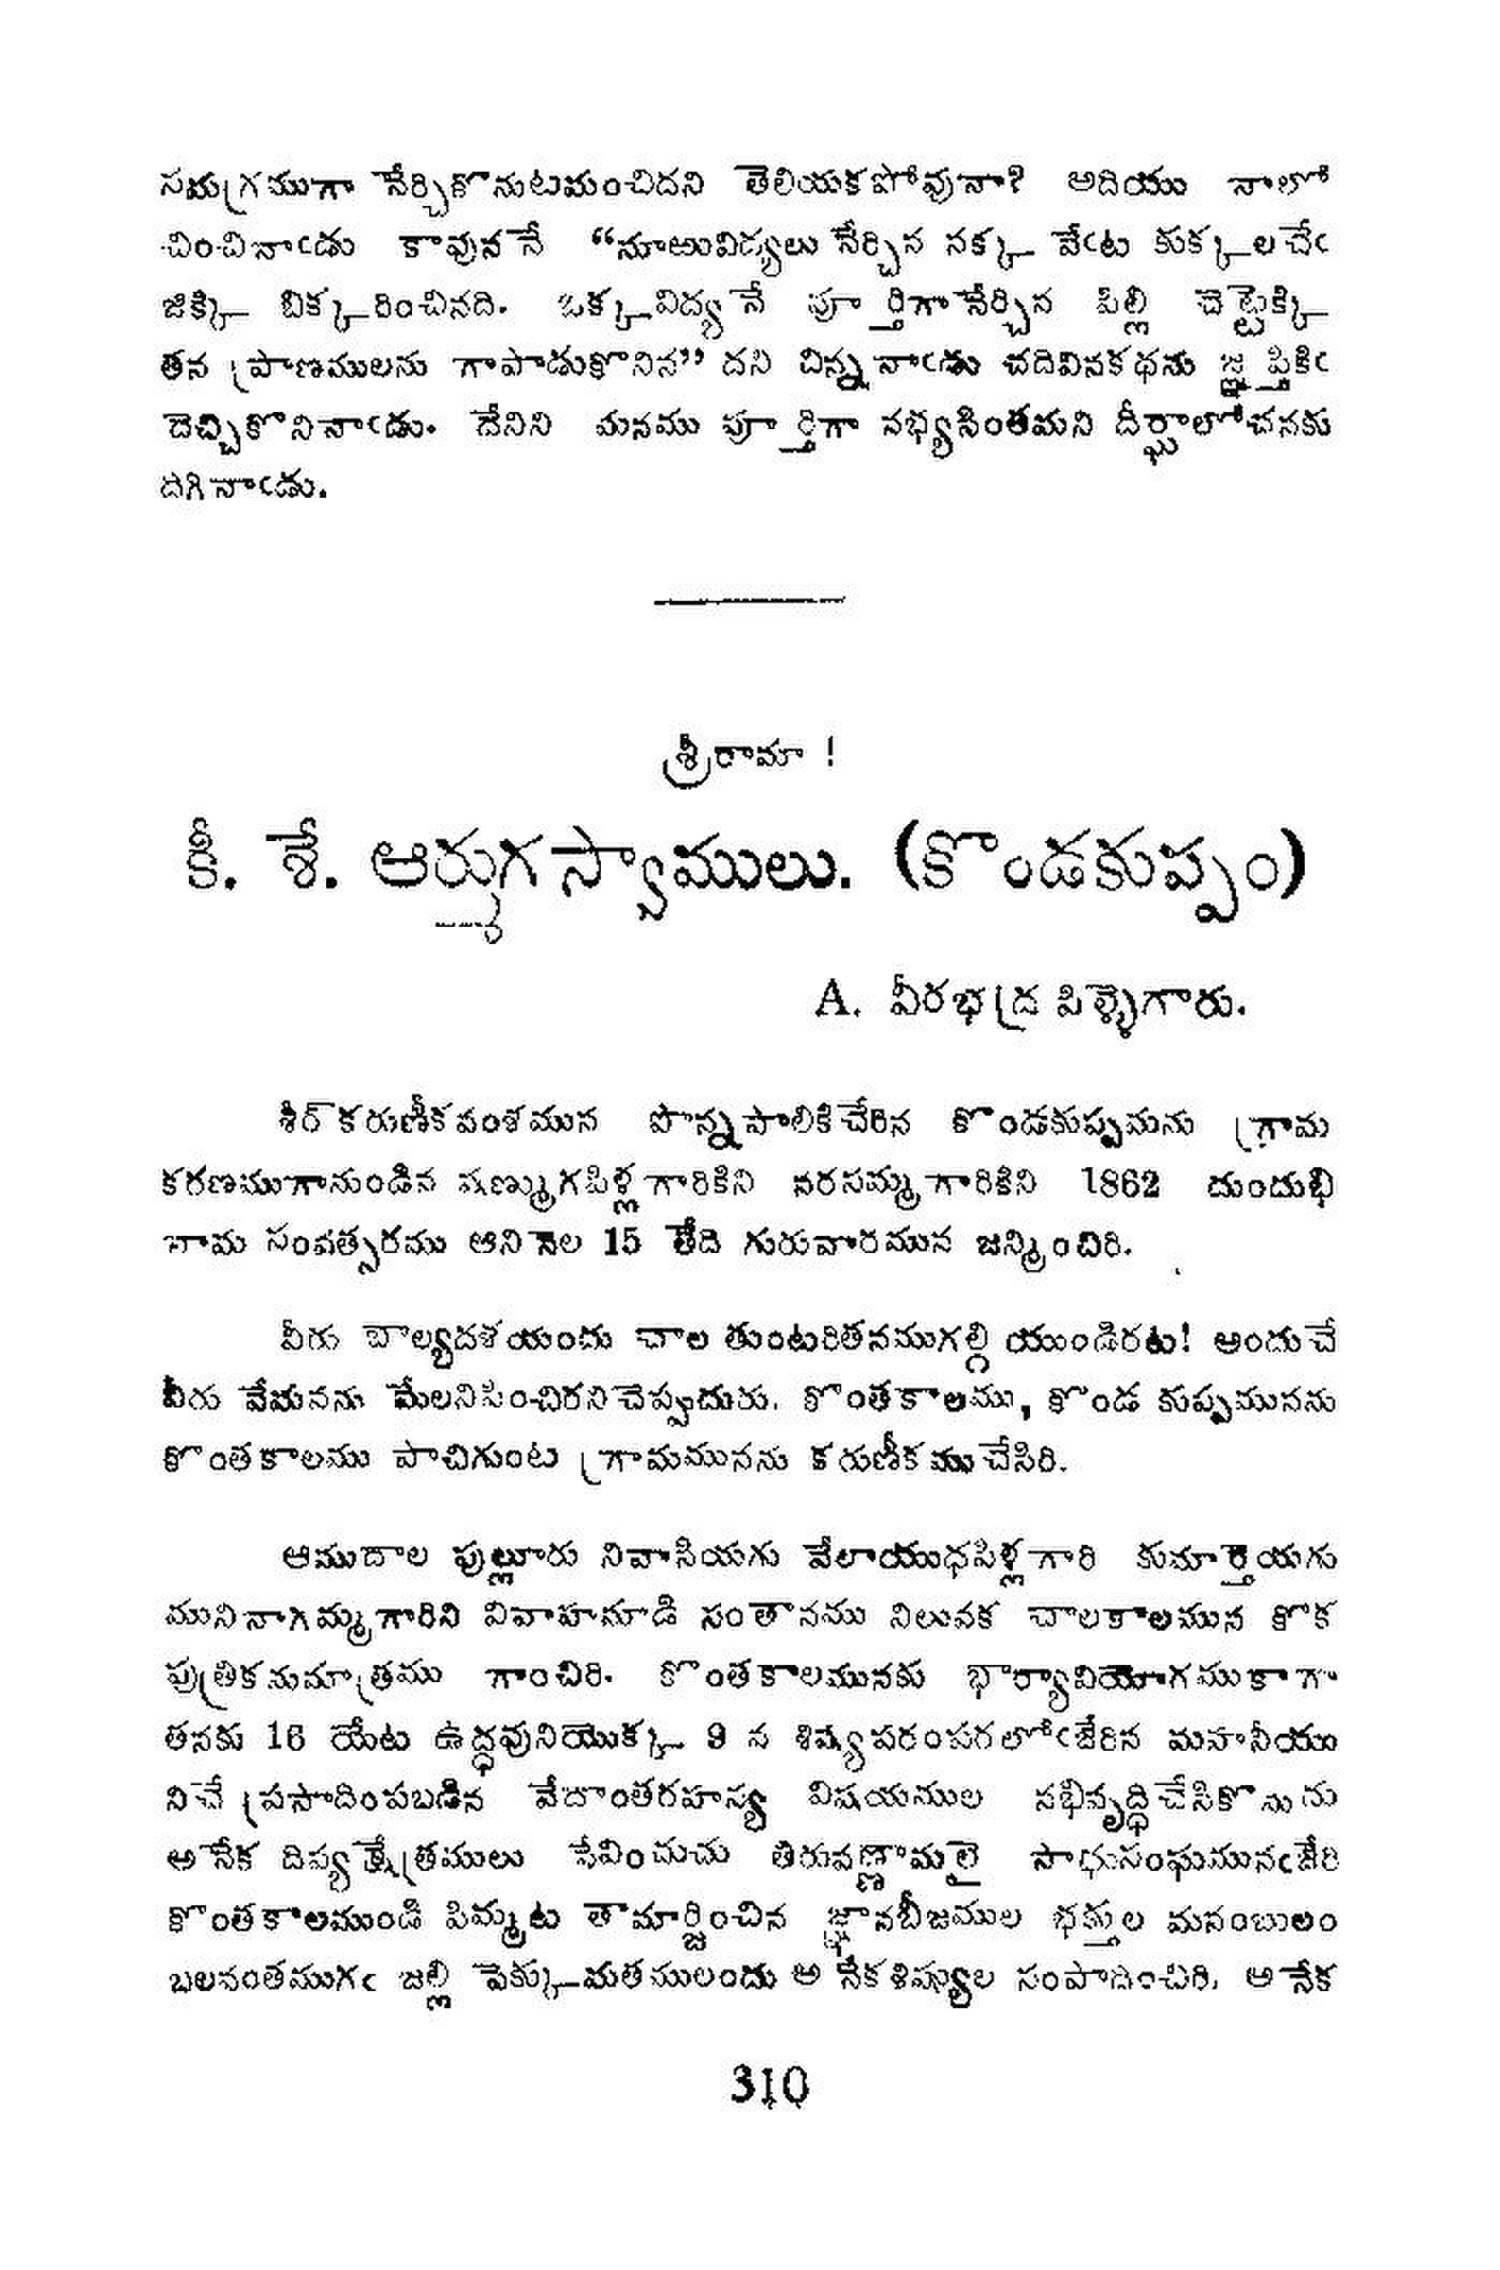సమగ్రముగా నేర్చికొనుటమంచిదని తెలియకపోవునా? అదియు నాలోచించి నాడు కావుననే "నూఱువిధ్యలు నేర్చిన నక్క వేట కుక్క్లలచే జిక్కి బిక్కరించినది. ఒక్కవిద్యనే పూర్తిగానేర్చిన పిల్లి చెట్టెక్కి తన ప్రాణమును గాపాడుకొనిన" దని చిన్ననాడు చదివినకధను జ్ఞప్తికిదెచ్చికొనినాడు. దేనిని మనము పూర్తిగా నభ్యసింతమని దీర్ఘాలోచనకుదిగినాడు.
 ---------
 శ్రీరామా !
 కీ. శే. ఆర్ముగస్వాములు (కొండకుప్పం)

 A. వీరభద్రపిళ్ళెగారు.

 శీర్ కరుణీకవంశమున పొన్నసాలికిచేరిన కొండకుప్పమను గ్రామకరణము గానుండిన షణ్ముగపిళ్లగారికిన్ నరమ్మగారికిని 1862 దుందుభినామ సంవత్సరము ఆని నెల 15 తేది గురువారమున జన్మించిరి.

 వీరు బాల్యదశయందు చాల తుంటరితనముగల్గి యుండిరట! అందుచే వీరు వేమనను మేలనిపించిరనిచెప్పుదురు. కొంతకాలము, కొండ కుప్పమునను కొంతకాలము పాచిగుంట గ్రామమునను కరుణెణీకము చేసిరి.

 ఆముదాల పుట్లూరు నివాసియగు వేలాయుధపిళ్లగారి కుమార్తెయగు ముని నాగమ్మగారిని వివాహమాడి సంతానము నిలువక చాలాకాలమున కొక పుత్రిక ను మాత్రము గాంచిరి. కొంతకాలమునకు భార్యావియోగముకాగా తనకు 16 యేట ఉద్ధవునియొక్క 9 న శిష్యపరంపరలోజేరిన మహనీయునిచే ప్రసాదింప బడిన వేదాంతరహస్య విషయముల నభివృద్దిచేసికొనుచు అనేక దివ్యక్షేత్రములు సేవించుచు తిరువణ్ణామలై సాధుసంఘమునజేరి కొంతకాలముండి పిమ్మట తామార్జించిన జ్ఞానబీజముల భక్తుల మనంబులం బలవంతముగ జల్లి పెక్కుమతములందు అనేక శిష్యుల సంపాదించిరి. అనేక